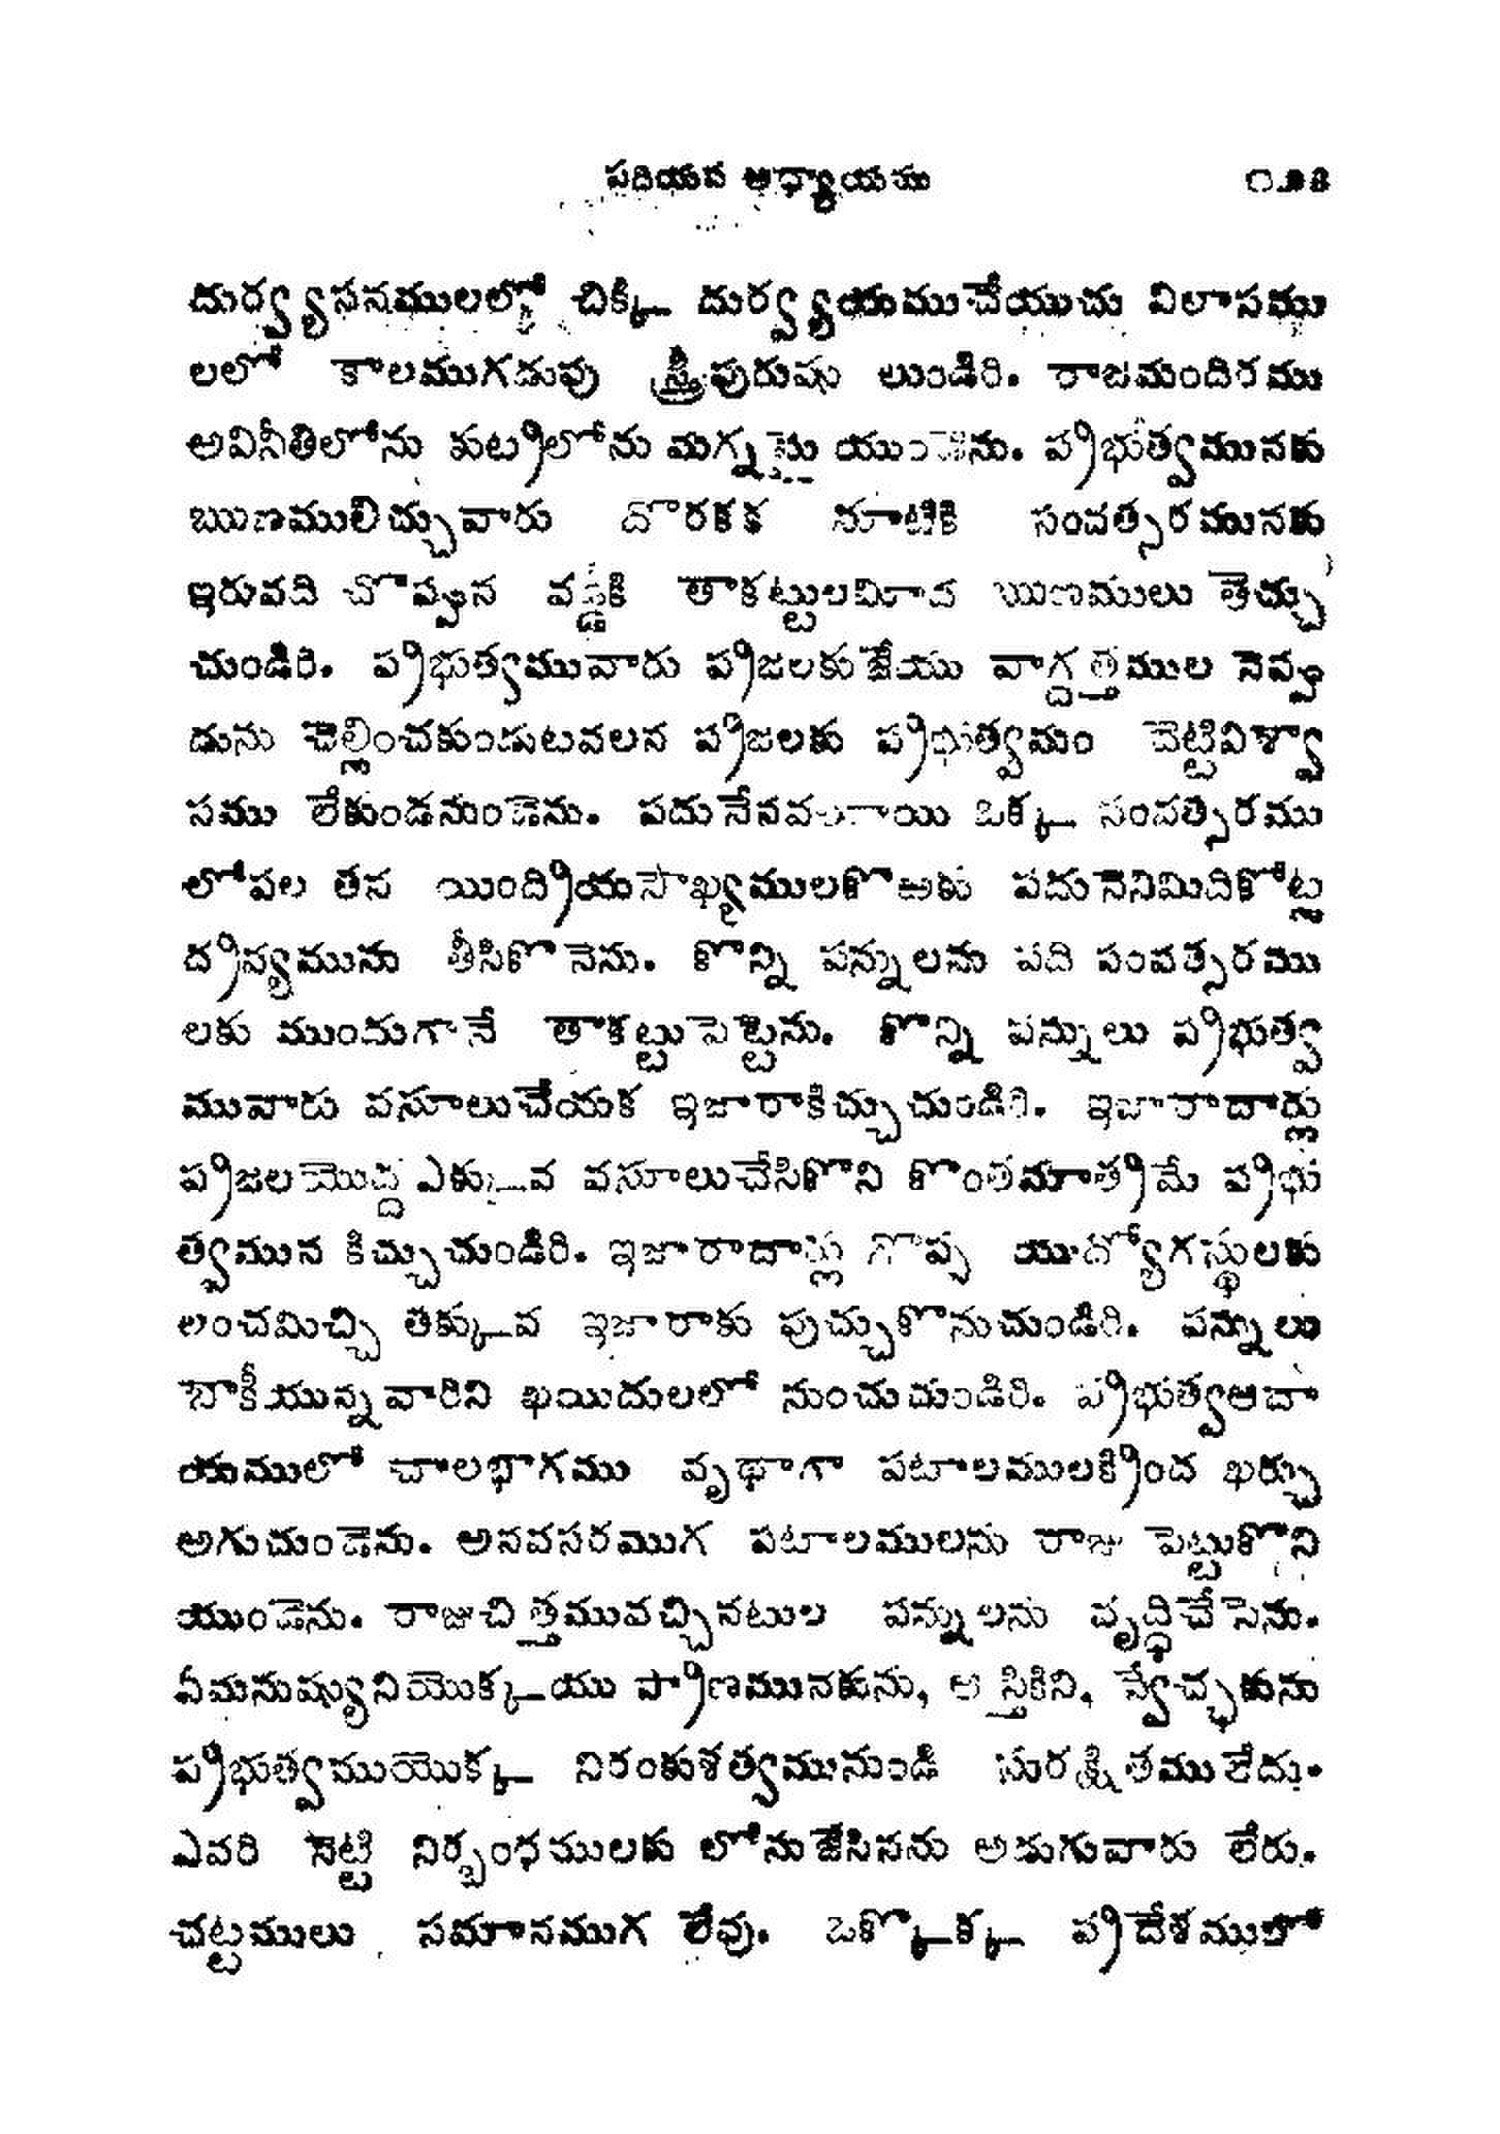దుర్వ్యసనములలో చిక్కి దుర్వ్యయము చేయుచు విలాసము
లలో కాలము గడువు స్త్రీ పురుషు లుండిరి. రాజమందిరము
అవినీతి లోను కుట్రలోను మగ్నమై యుండెను. ప్రభుత్వమునకు
ఋణములిచ్చువారు దొరకక నూటికి సంవత్సరమునకు
ఇరువది చొప్పున వడ్డికి తాకట్టుల విూద రుణములు తెచ్చు'
చుండిరి. ప్రభుత్వము వారు ప్రజలకు చేయు వాగ్దత్తముల నెప్పు
డును చెల్లించకుండుట వలన ప్రజలకు ప్రభుత్వమందెట్టి విశ్వా
సము లేకుండనుండెను. పదునేనవ లూయి ఒక్క సంవత్సరము
లోపల తన యింద్రియ సౌఖ్యములకొకుకు పదునెనిమిటికోట్ల
ద్రవ్యమును తీసికొనెను. కొన్ని పన్నులను పది సంవత్సరము
లకు ముందుగానే తాకట్టు పెట్టెను. కొన్ని పన్నులు ప్రభుత్వ
మువారు వసూలు చేయక ఇజారాకిచ్చుచుండిరి, ఇజాదార్లు
ప్రజల యొద్ద ఎక్కువ వసూలు చేసికొని కొంత మాత్రమే ప్రభు
త్వమున కిచ్చుచుండిరి. ఇజా రాదాన్లు గొప్ప యద్యోగస్థులకు
లంచమిచ్చి తక్కువ ఇజారాకు పుచ్చుకొనుచుండిరి. పన్నులు
బాకీ యున్న వారిని ఖయిదులలో సుంచు చుండిరి. ప్రభుత్వఆదా
యములో చాలభాగము వృథాగా పటాలముల క్రింద ఖర్చు
అగుచుండెను. అనవసరముగ పటాలములను రాజు పెట్టుకొని
యుండెను. రాజు చిత్తము వచ్చినటుల పన్నులను వృద్ధి చేసెను.
ఏమనుష్యు నియొక్కయు ప్రాణమునకును, ఆస్తికిని, స్వేచ్ఛకును
ప్రభుత్వము యొక్క నిరంకుశత్వము నుండి సురక్షితము లేదు.
ఎవరి నెట్టి నిర్బంధములకు లోను జేసినను అడుగువారు లేరు.
చట్టములు , సమానముగ లేవు. ఒక్కొక్క ప్రదేశములో